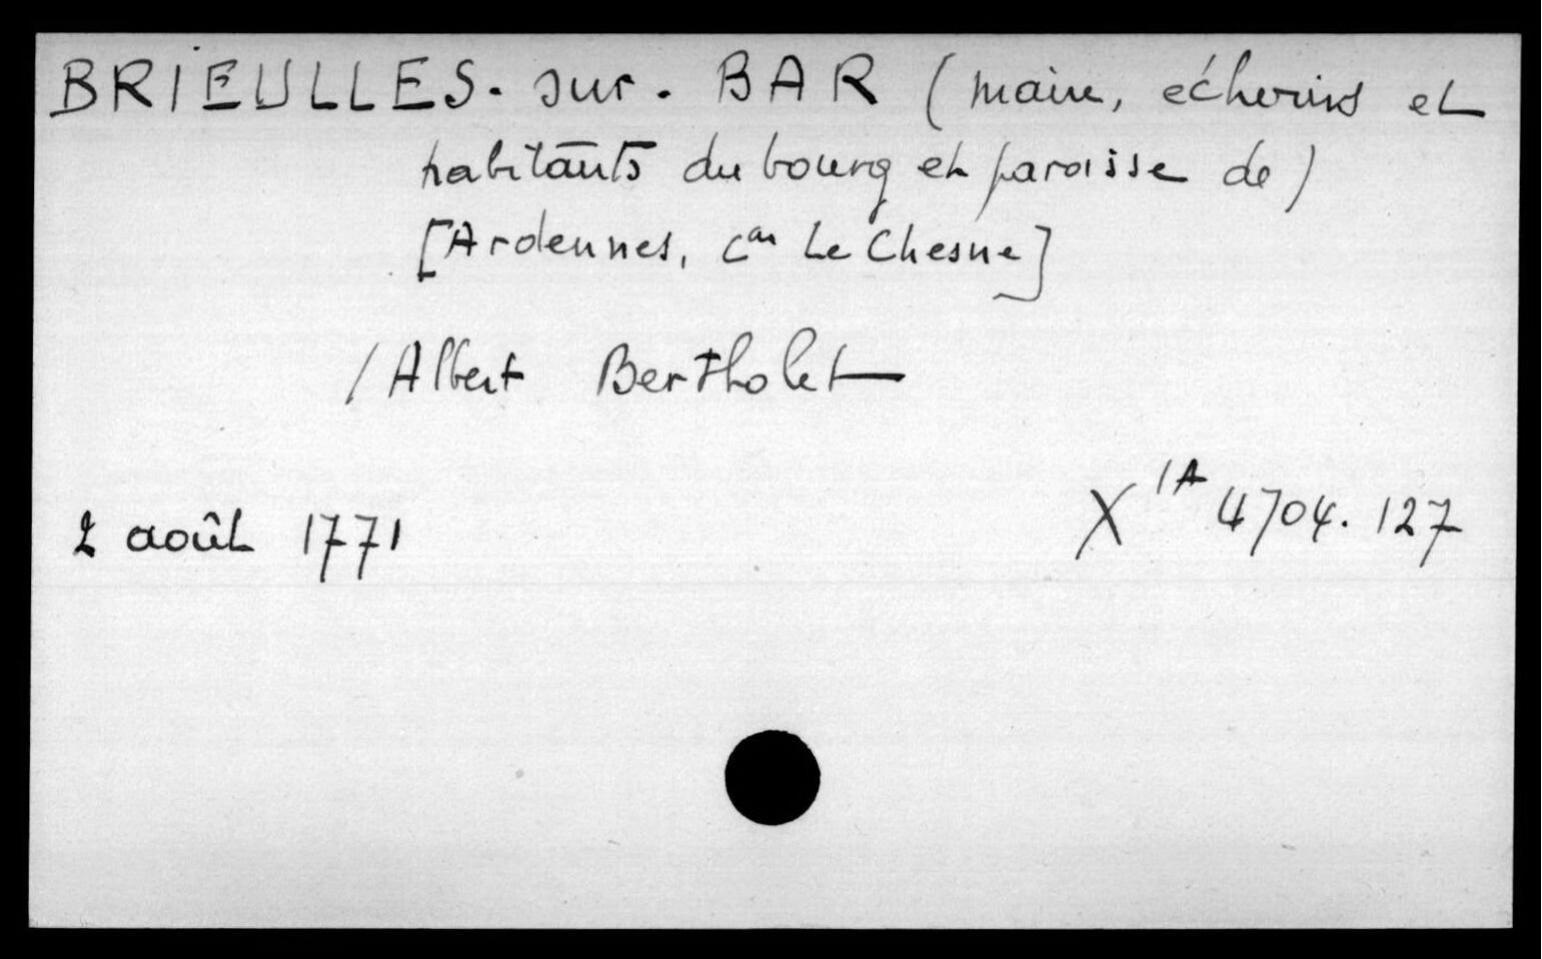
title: BRIEULLES-sur-BAR (maire, échevins et habitants du bourg et paroisse de) [Ardennes, canton Le Chesne]
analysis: Contre Albert Bertholet
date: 2 août 1771
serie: X1A
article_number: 4704
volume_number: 127
